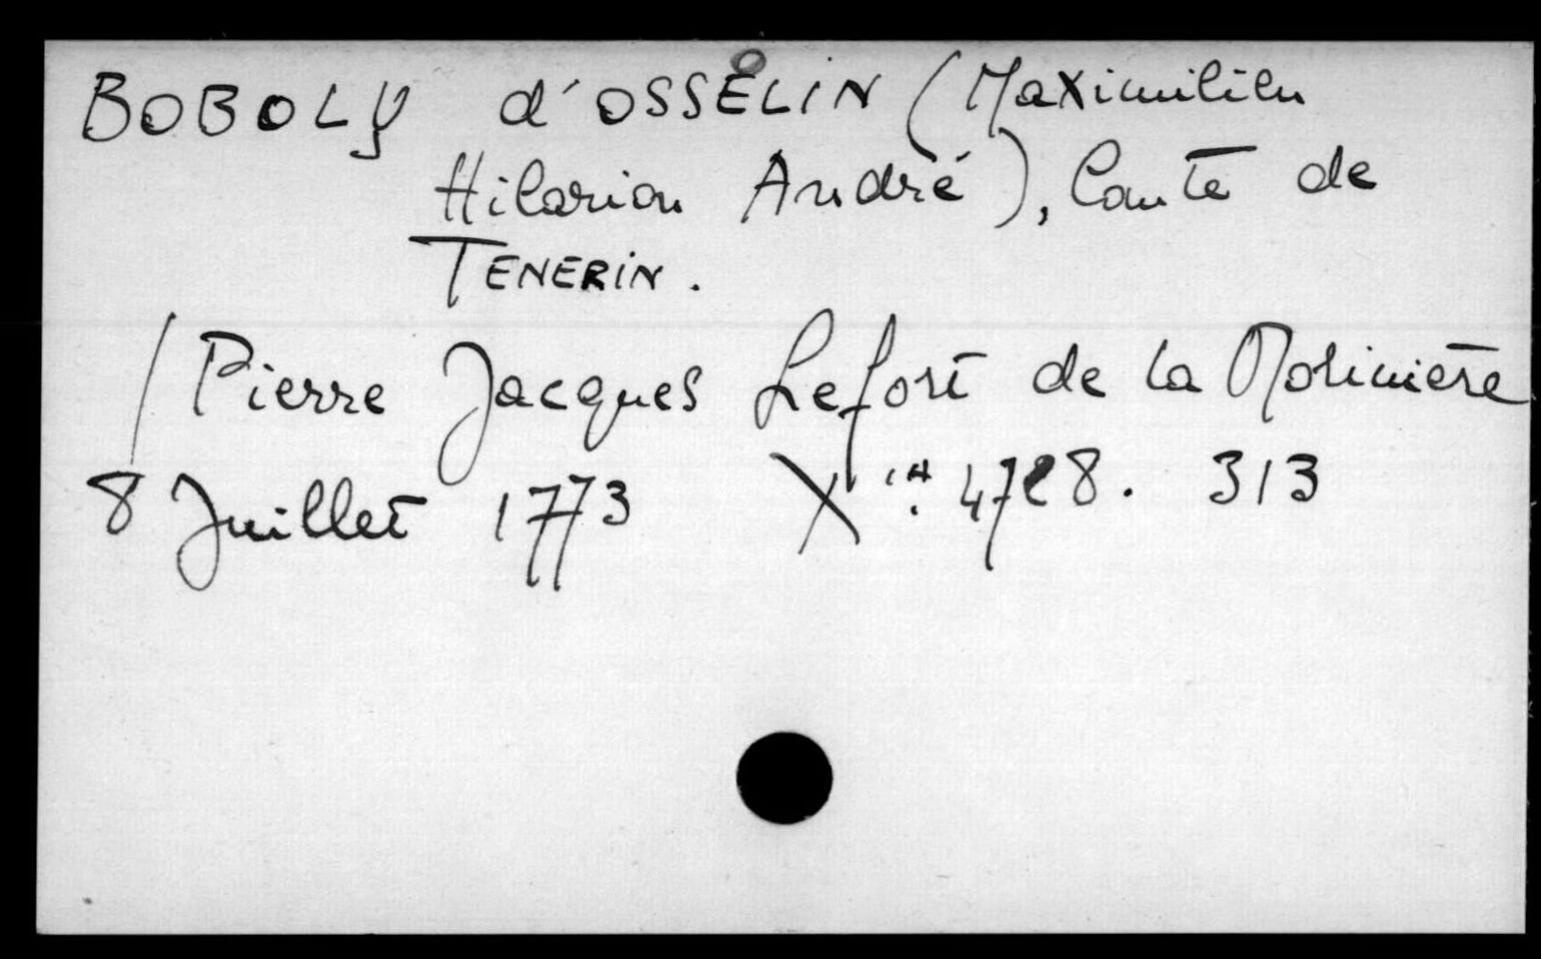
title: BOBOLY d'OSSELIN (Maximilien Hilarion André), comte de TENERIN
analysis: Contre Pierre Jacques Lefort de la Morinière
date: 8 juillet 1773
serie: X1A
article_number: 4728
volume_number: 313
